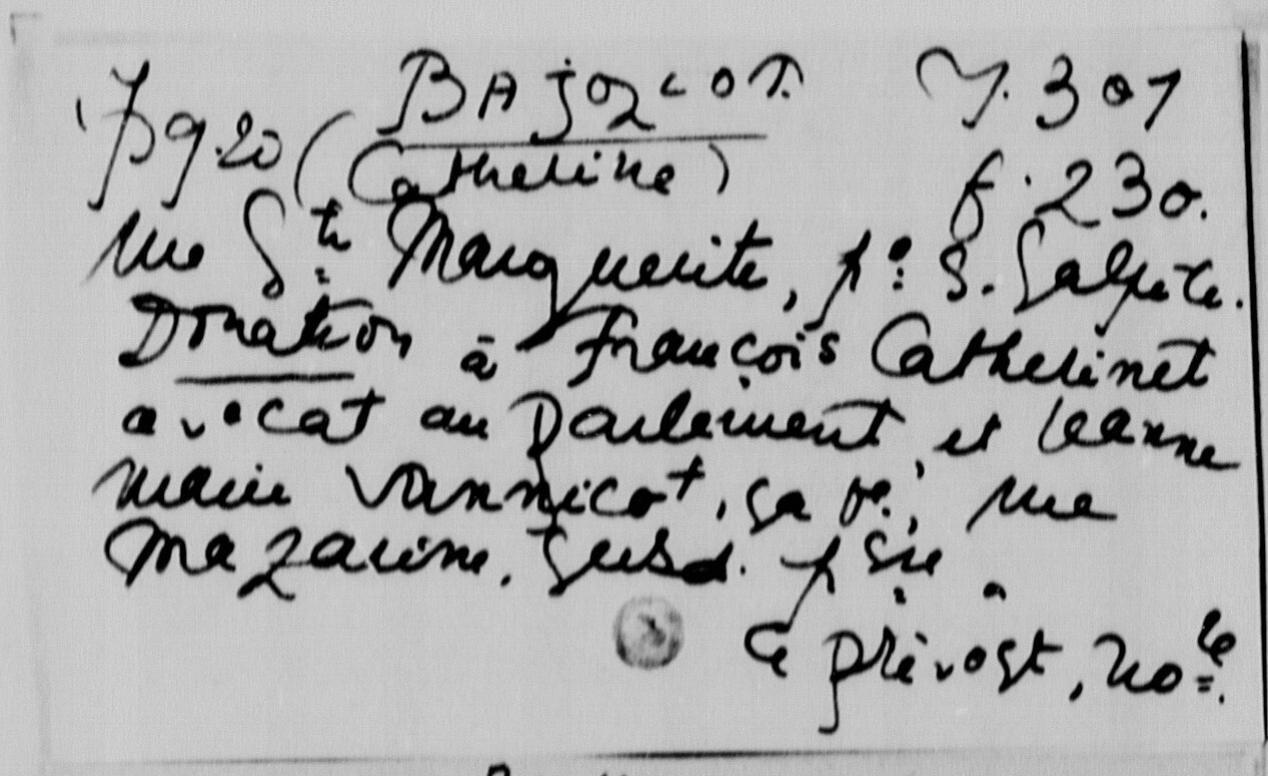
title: BAJOLLOT (Catherine)
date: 1719-1720
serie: Y
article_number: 301
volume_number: folio 230
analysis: rue Sainte Marguerite, paroisse Saint Sulpice. Donation à François Cathelinet avocat au Parlement, et Jeanne Maire VANNICOT, sa femme, rue Mazarine, susdite paroisse. Le Prévost, notaire.
